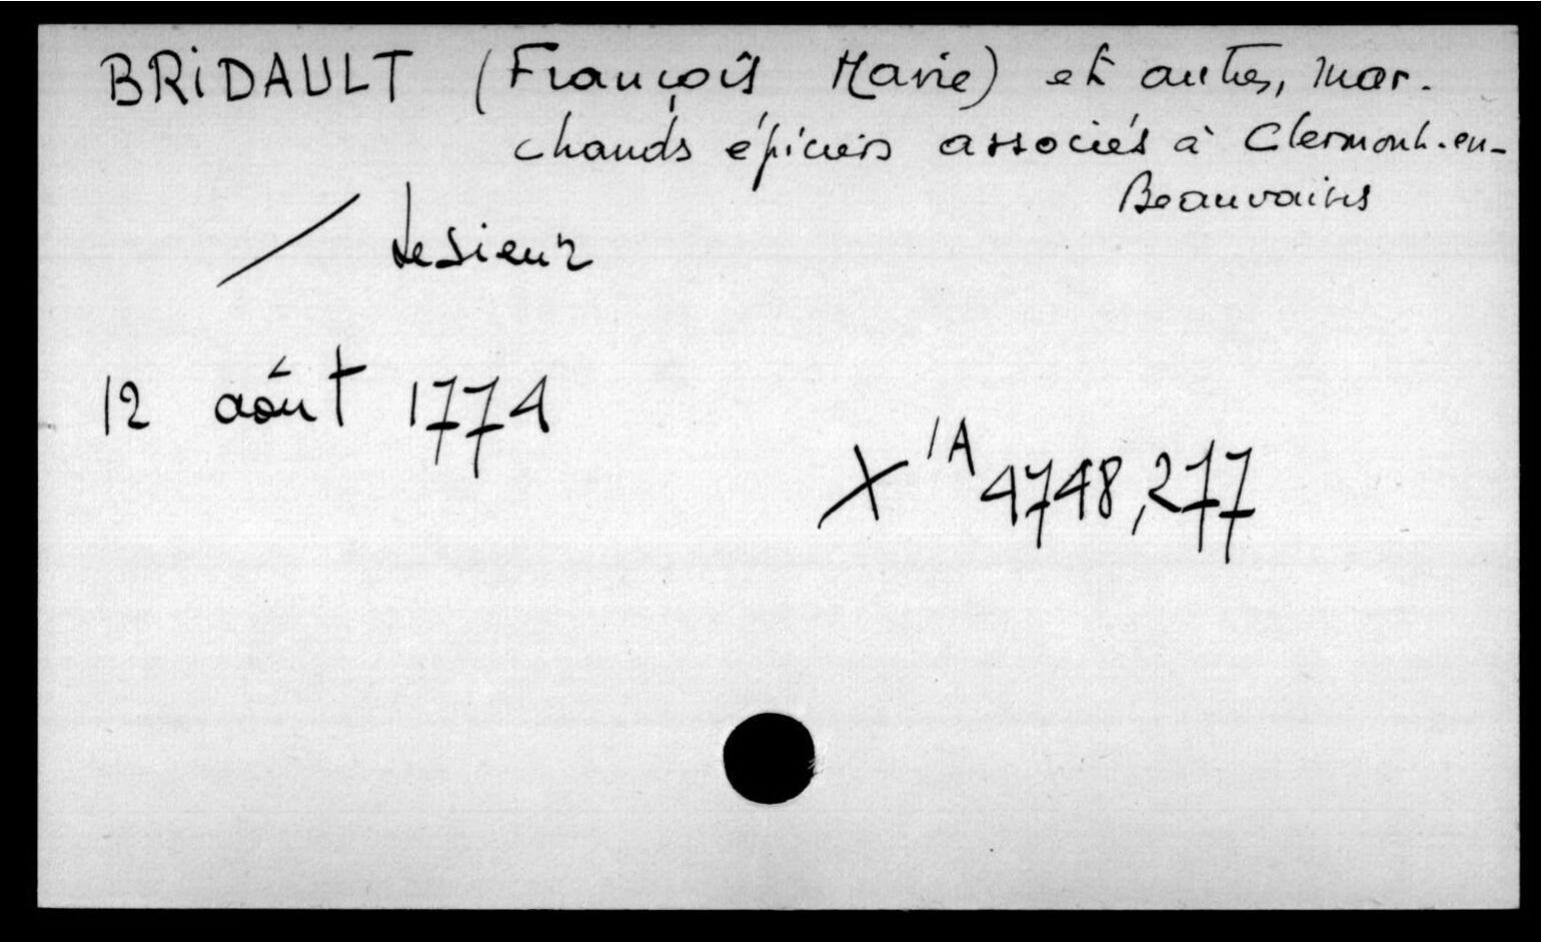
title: BRIDAULT (François Marie) et autres, marchands épiciers associés à Clermont-en-Beauvaisis
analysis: Contre lesieur
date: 12 août 1774
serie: X1A
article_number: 4748
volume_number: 277
